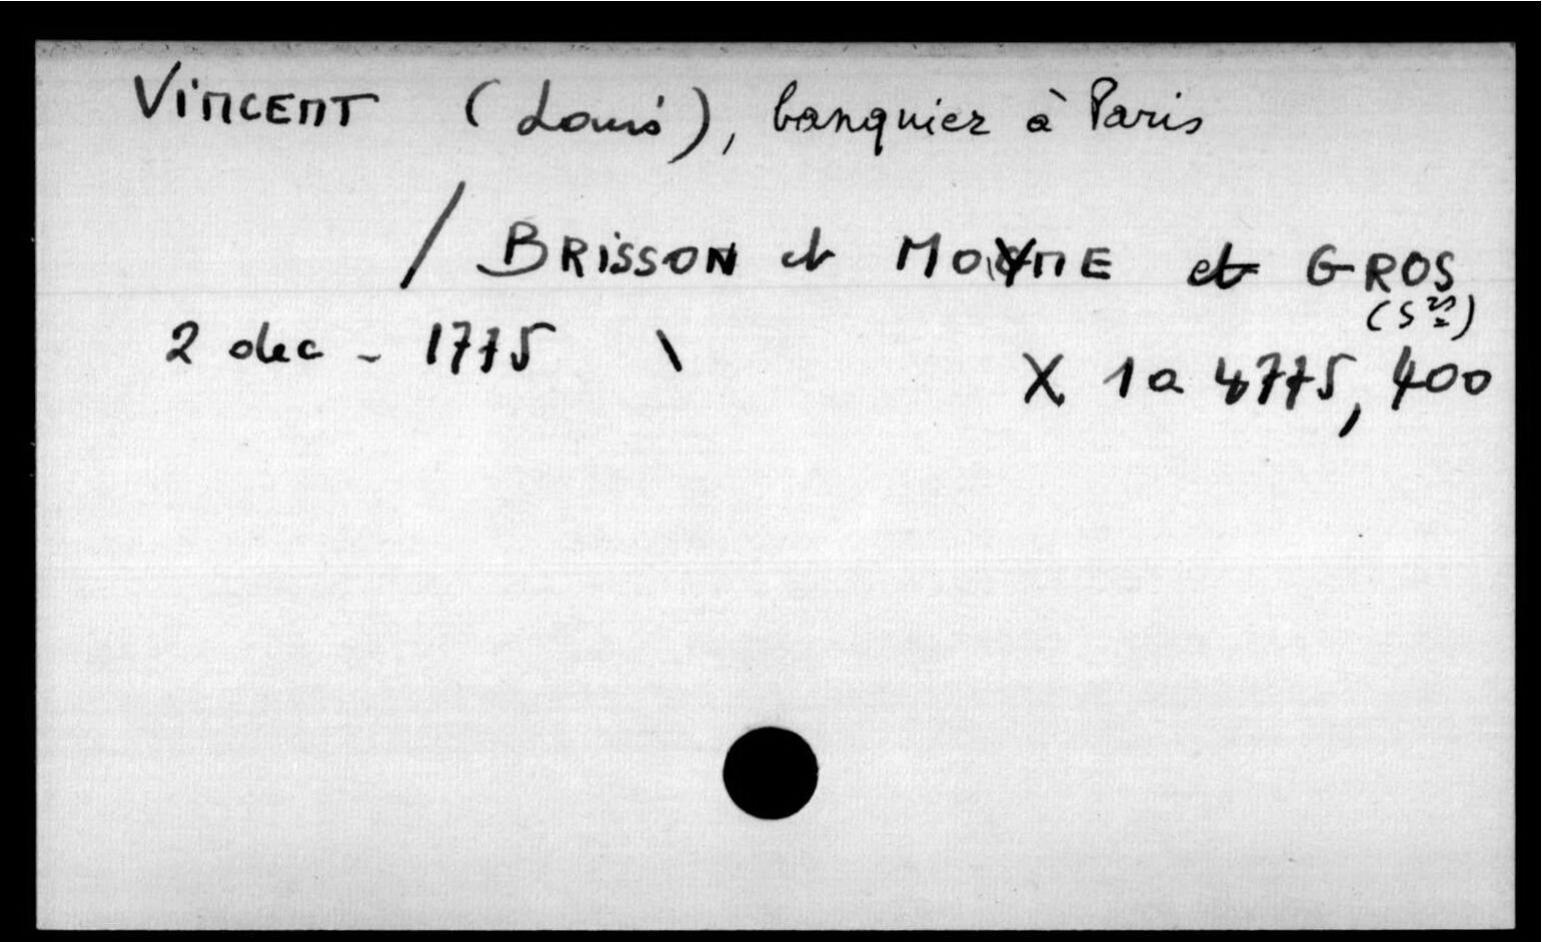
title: VINCENT (Louis), banquier à Paris
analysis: Contre BRISSON et MOYNE et GROS
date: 2 décembre 1775
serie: X1a
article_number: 4775
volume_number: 400
